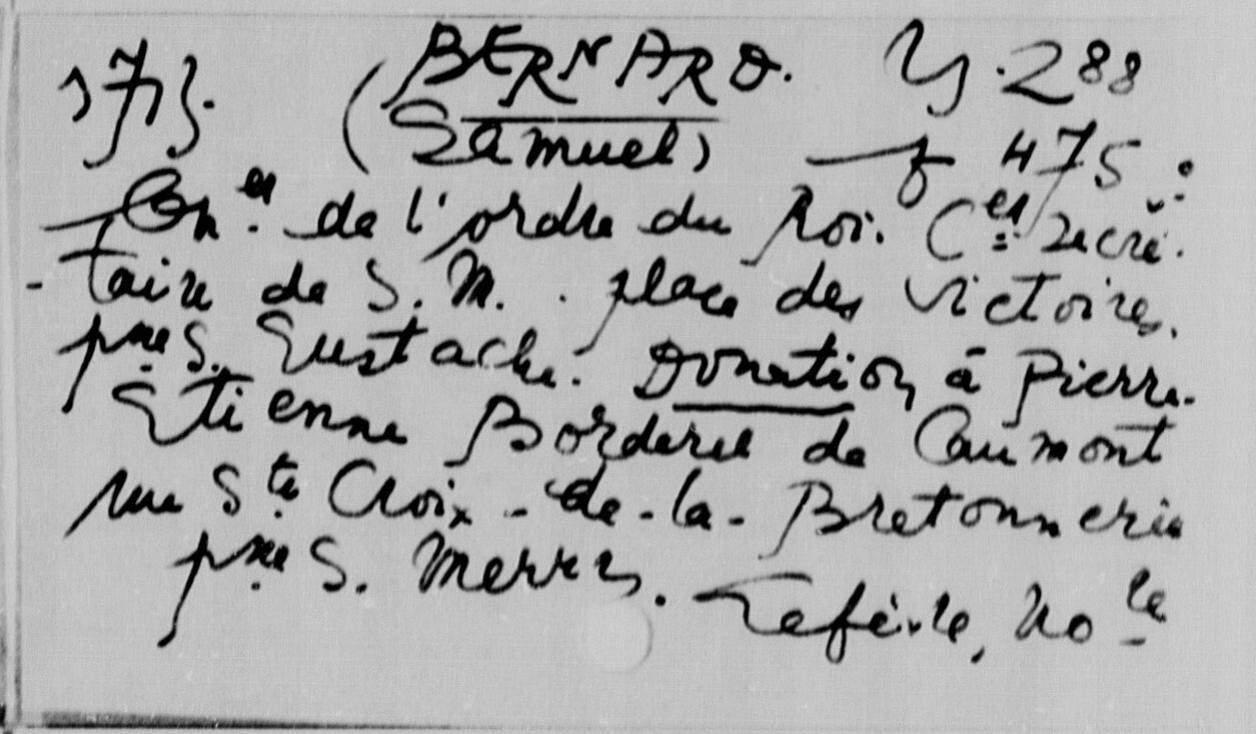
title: BERNARD (Samuel)
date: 1713
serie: Y
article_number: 288
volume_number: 475v
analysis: Chevalier de l'ordre du roi, conseiller secrétaire de Sa Majesté. Place des Victoires, paroisse Saint-Eustache. Donation à Pierre-Étienne Borderel de Caumont, rue Sainte-Croix-de-la-Bretonnerie, paroisse Saint-Merry. Lefèvre, notaire.
